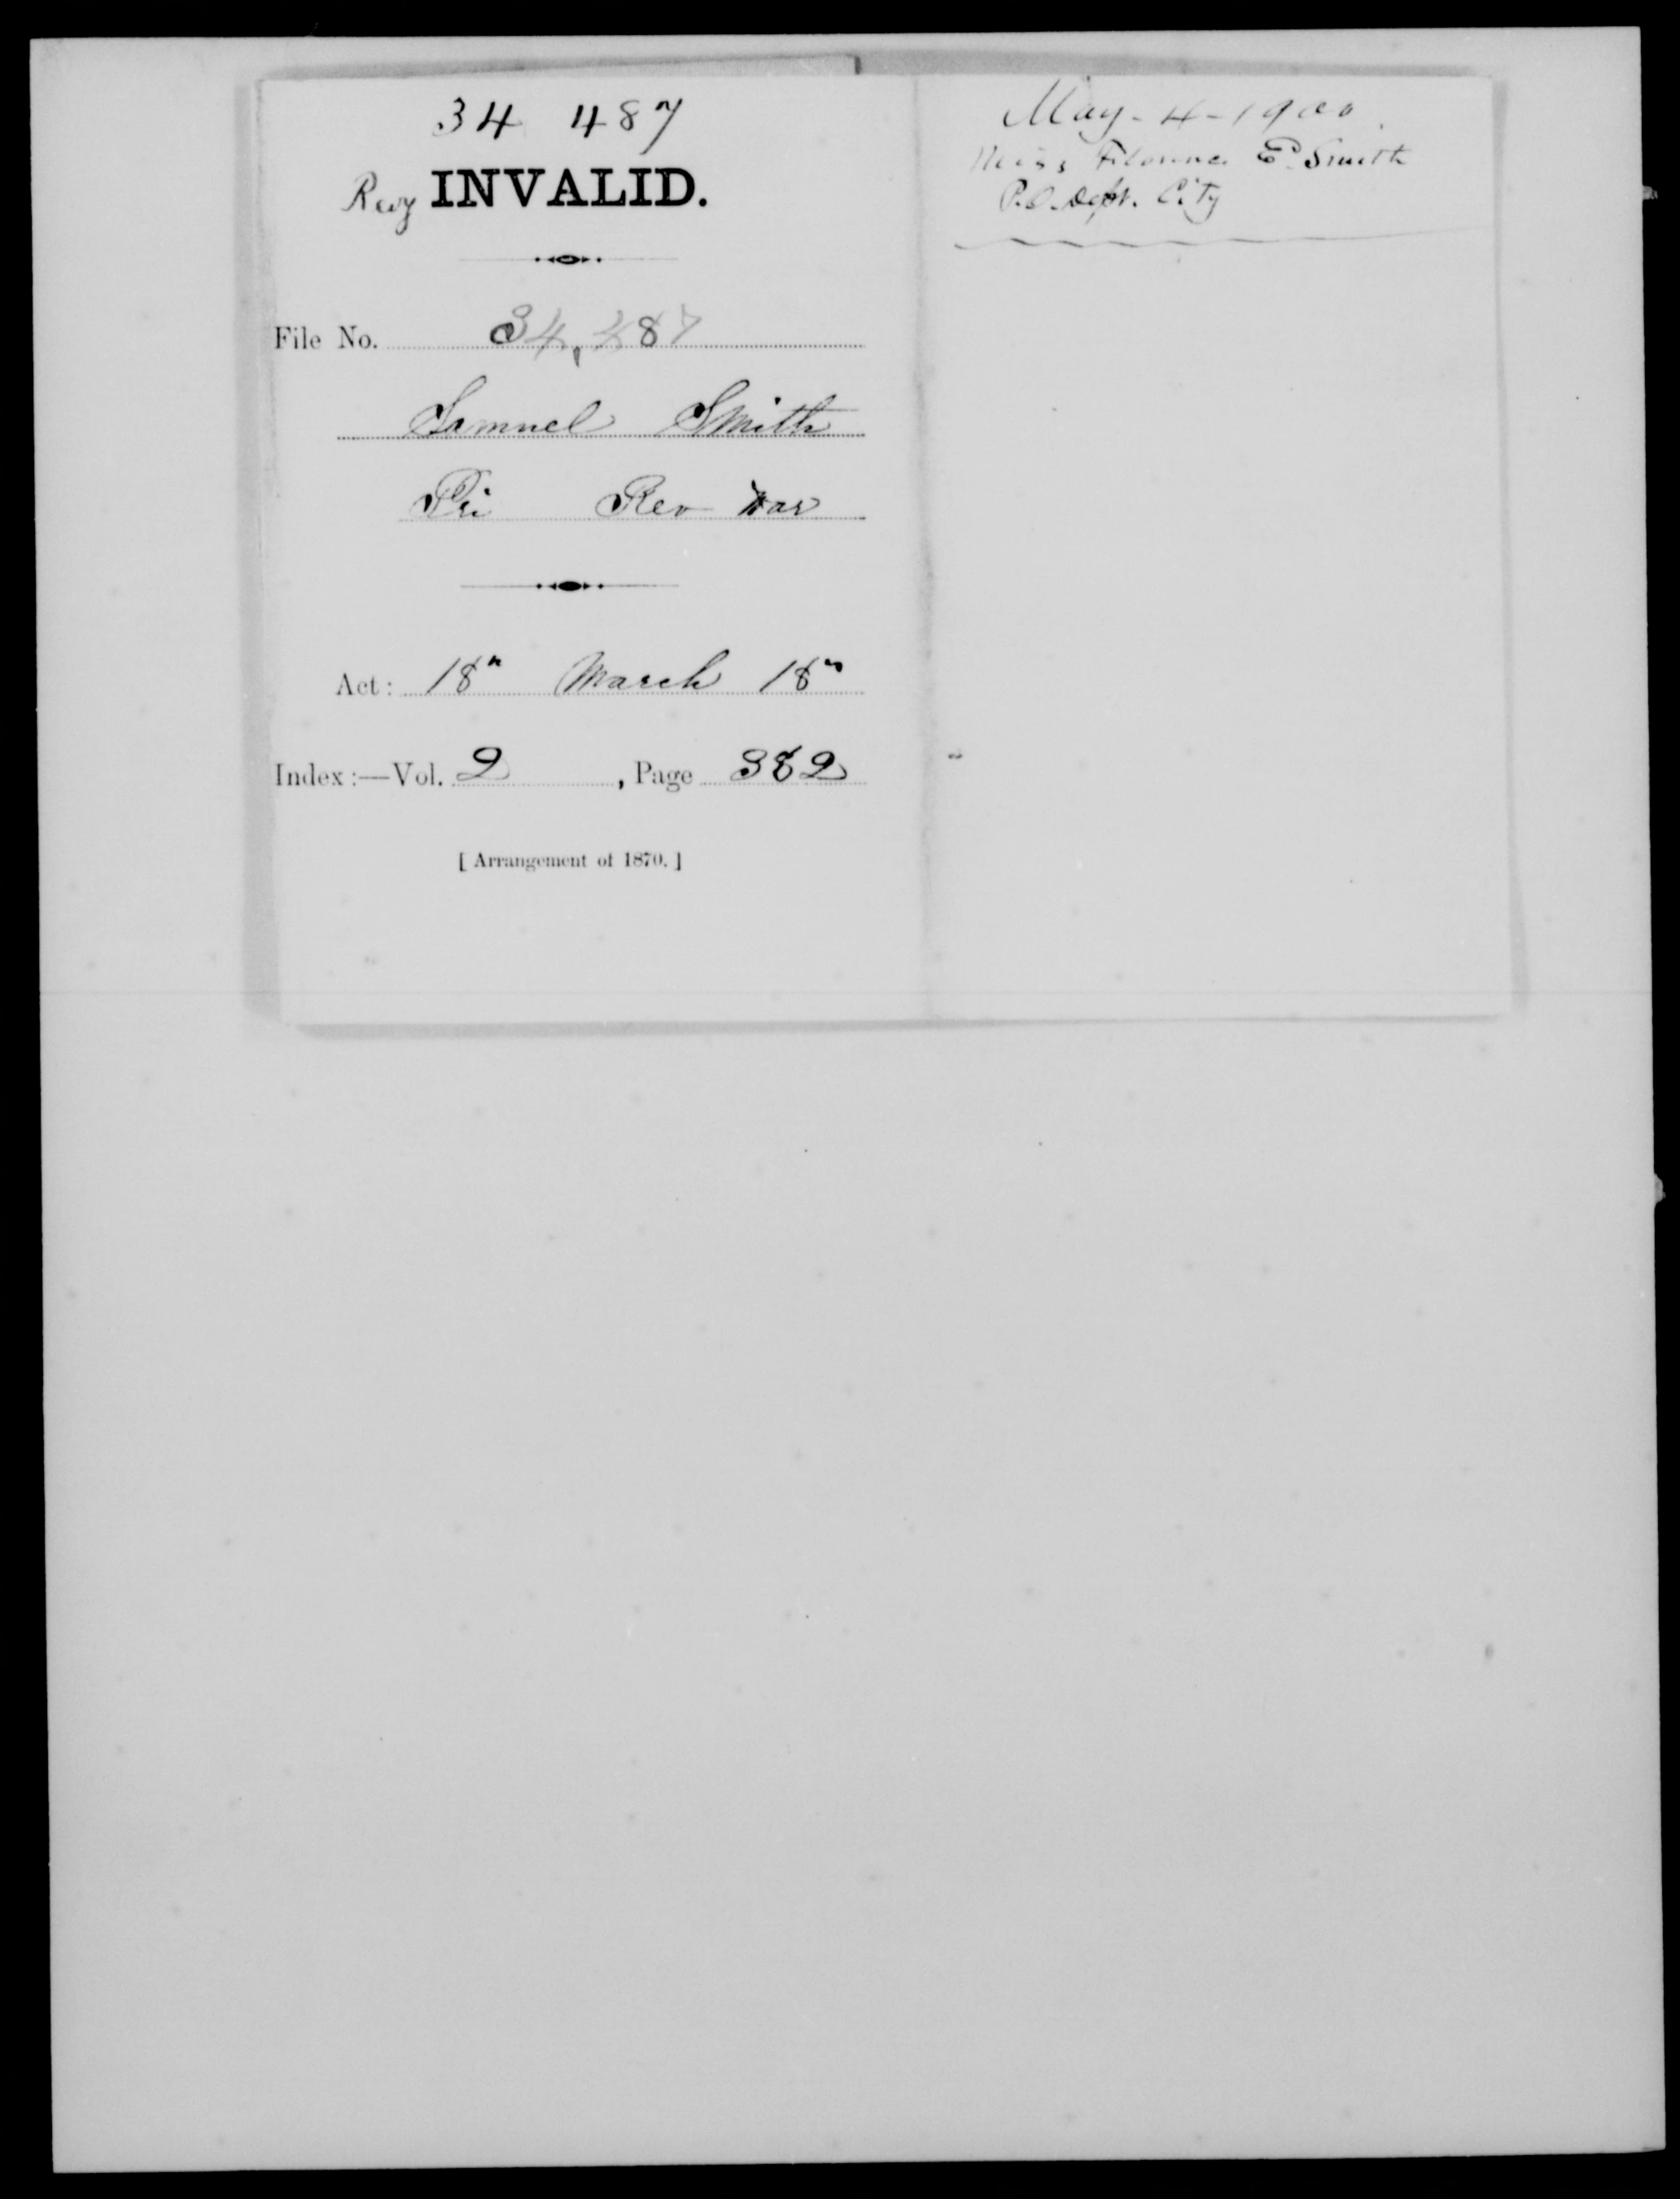34487
Revy 34,487
Samuel Smith
Pri Rev War

Act: 18th March 18[illegible]
Index:--Vol. 2, Page 382

[Arrangement of 1870]

May 4 1900
Miss Florence E. Smith
P.O. Dept. City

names: Samuel Smith; Florence E Smith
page: 12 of 14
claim: survivor's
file: S. 34,487, for Samuel Smith, Rhode Island